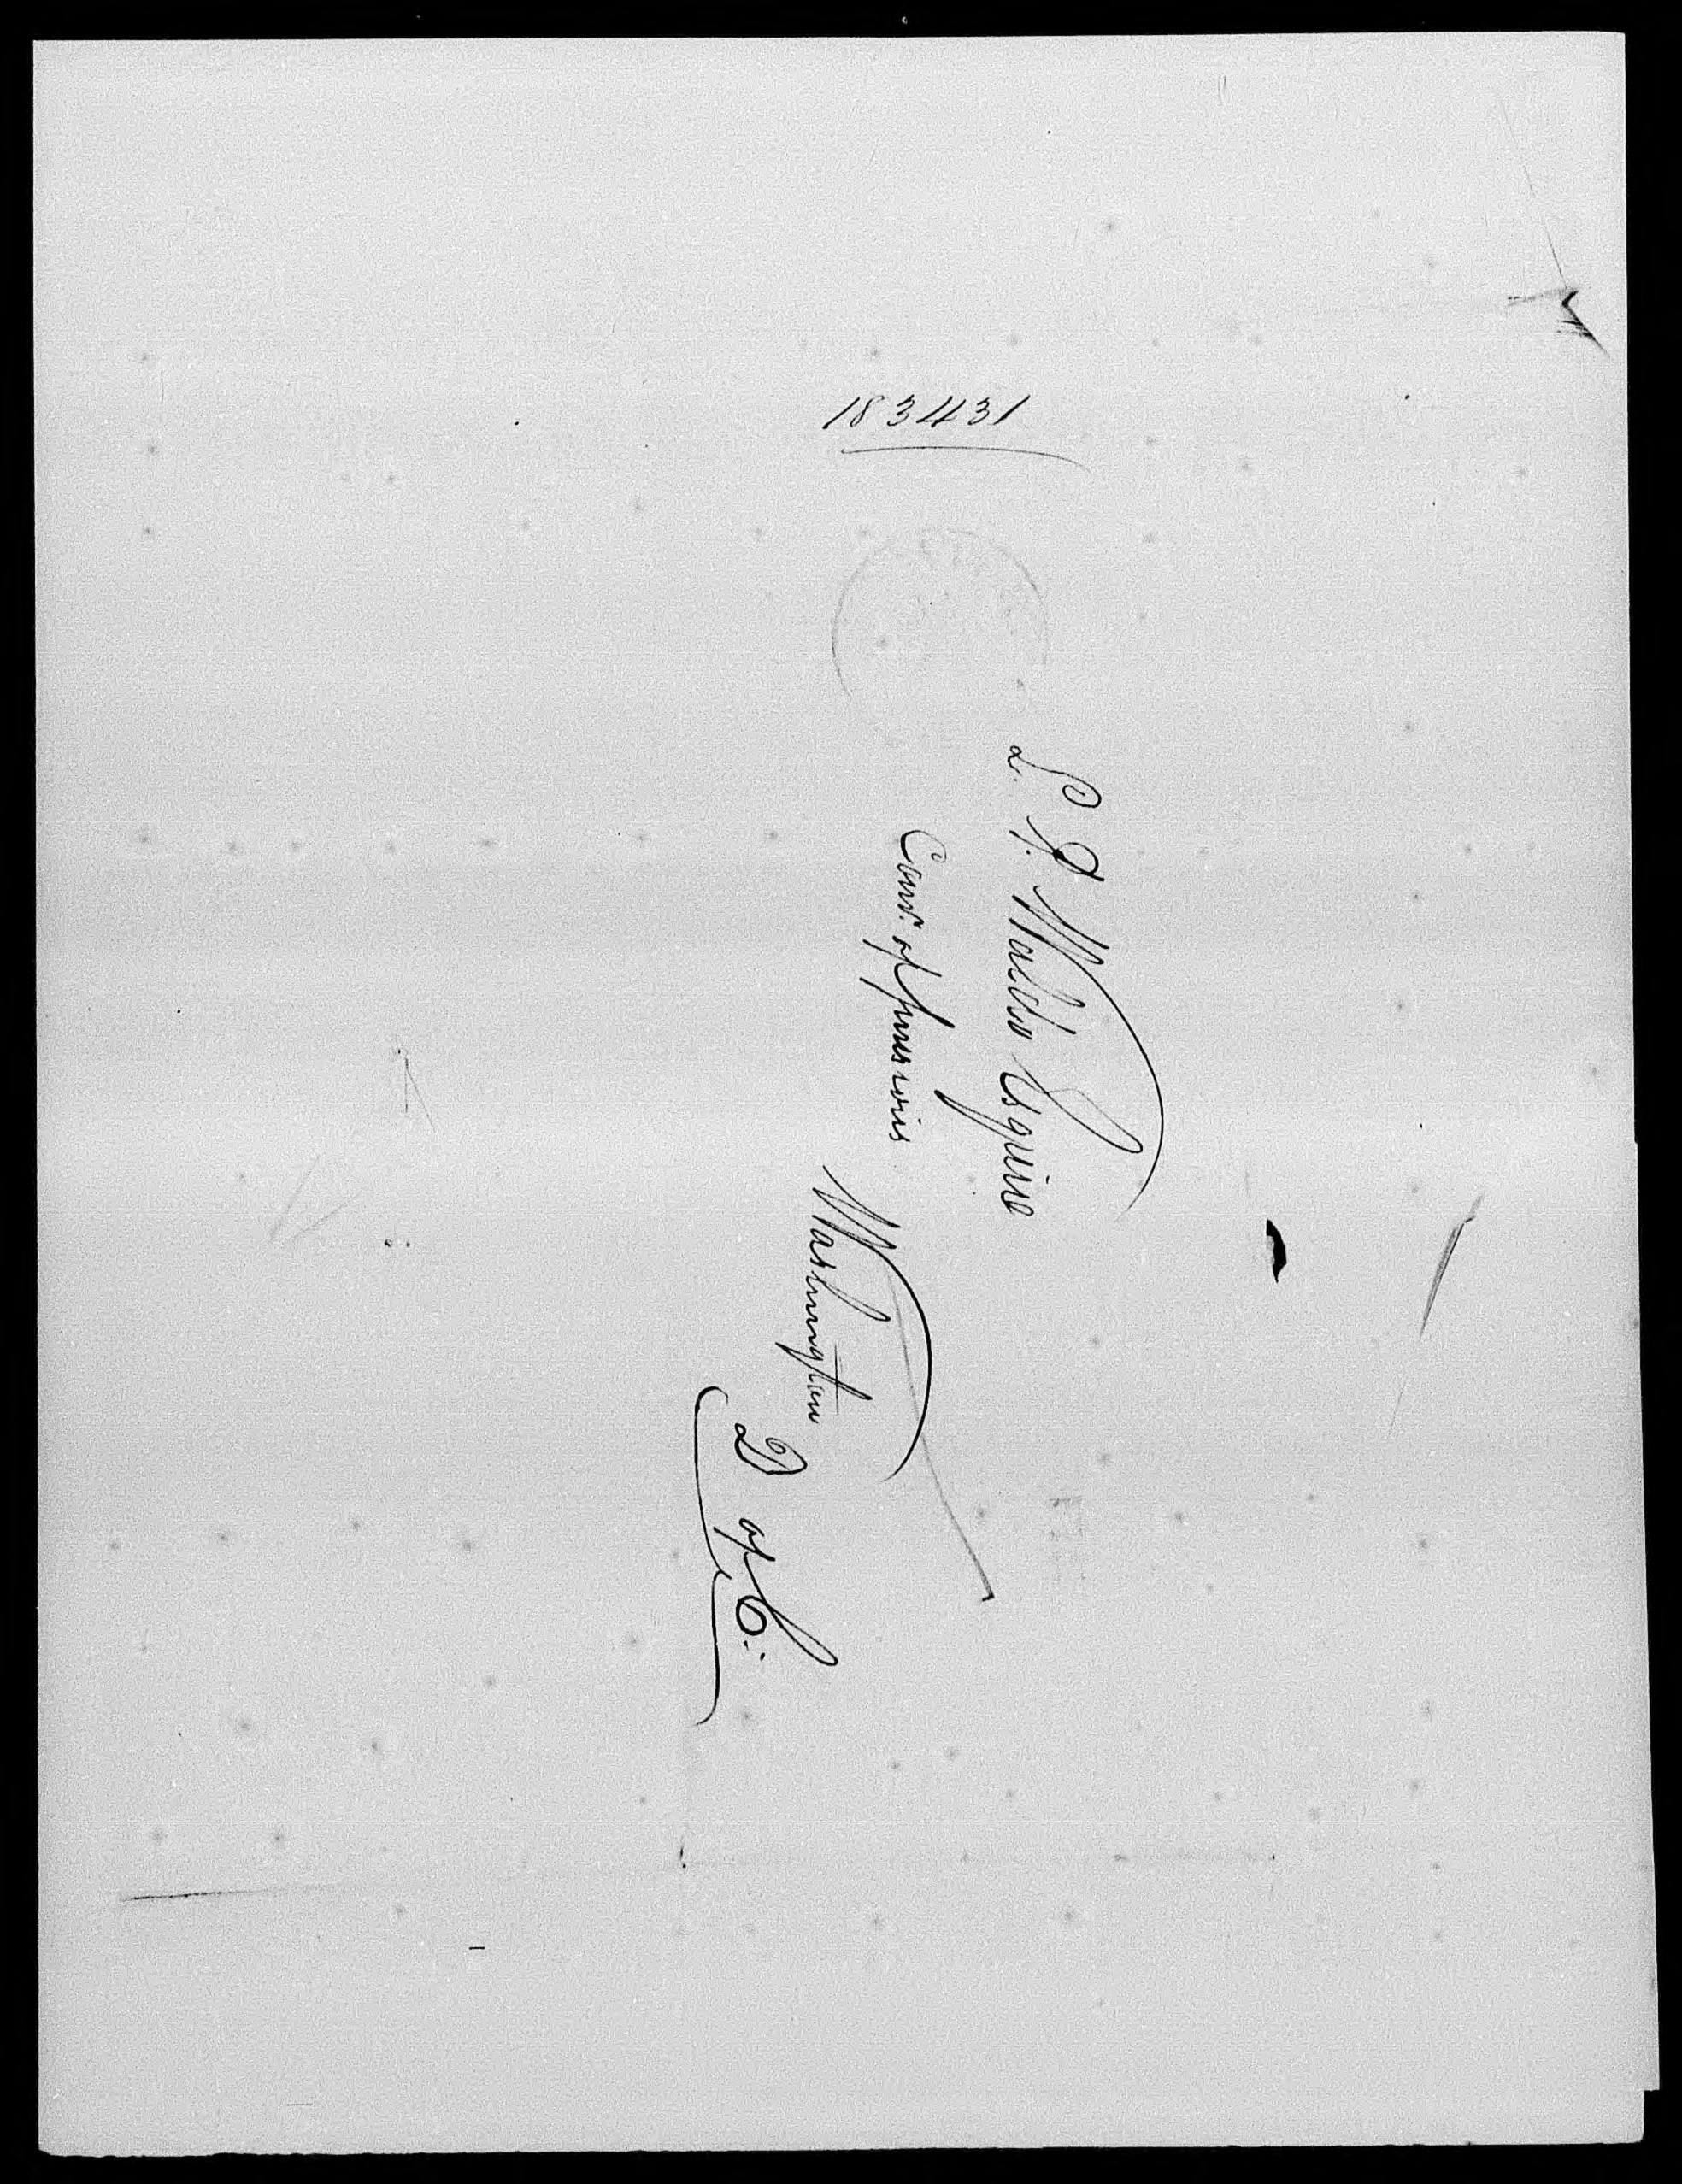183431
[illegible  stamp]


L. P. Waldo Esquire
Comr of Pensions
Washington
D of C:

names: L P Waldo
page: 83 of 98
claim: widow's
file: W. 8398, William Broadway, S.C.